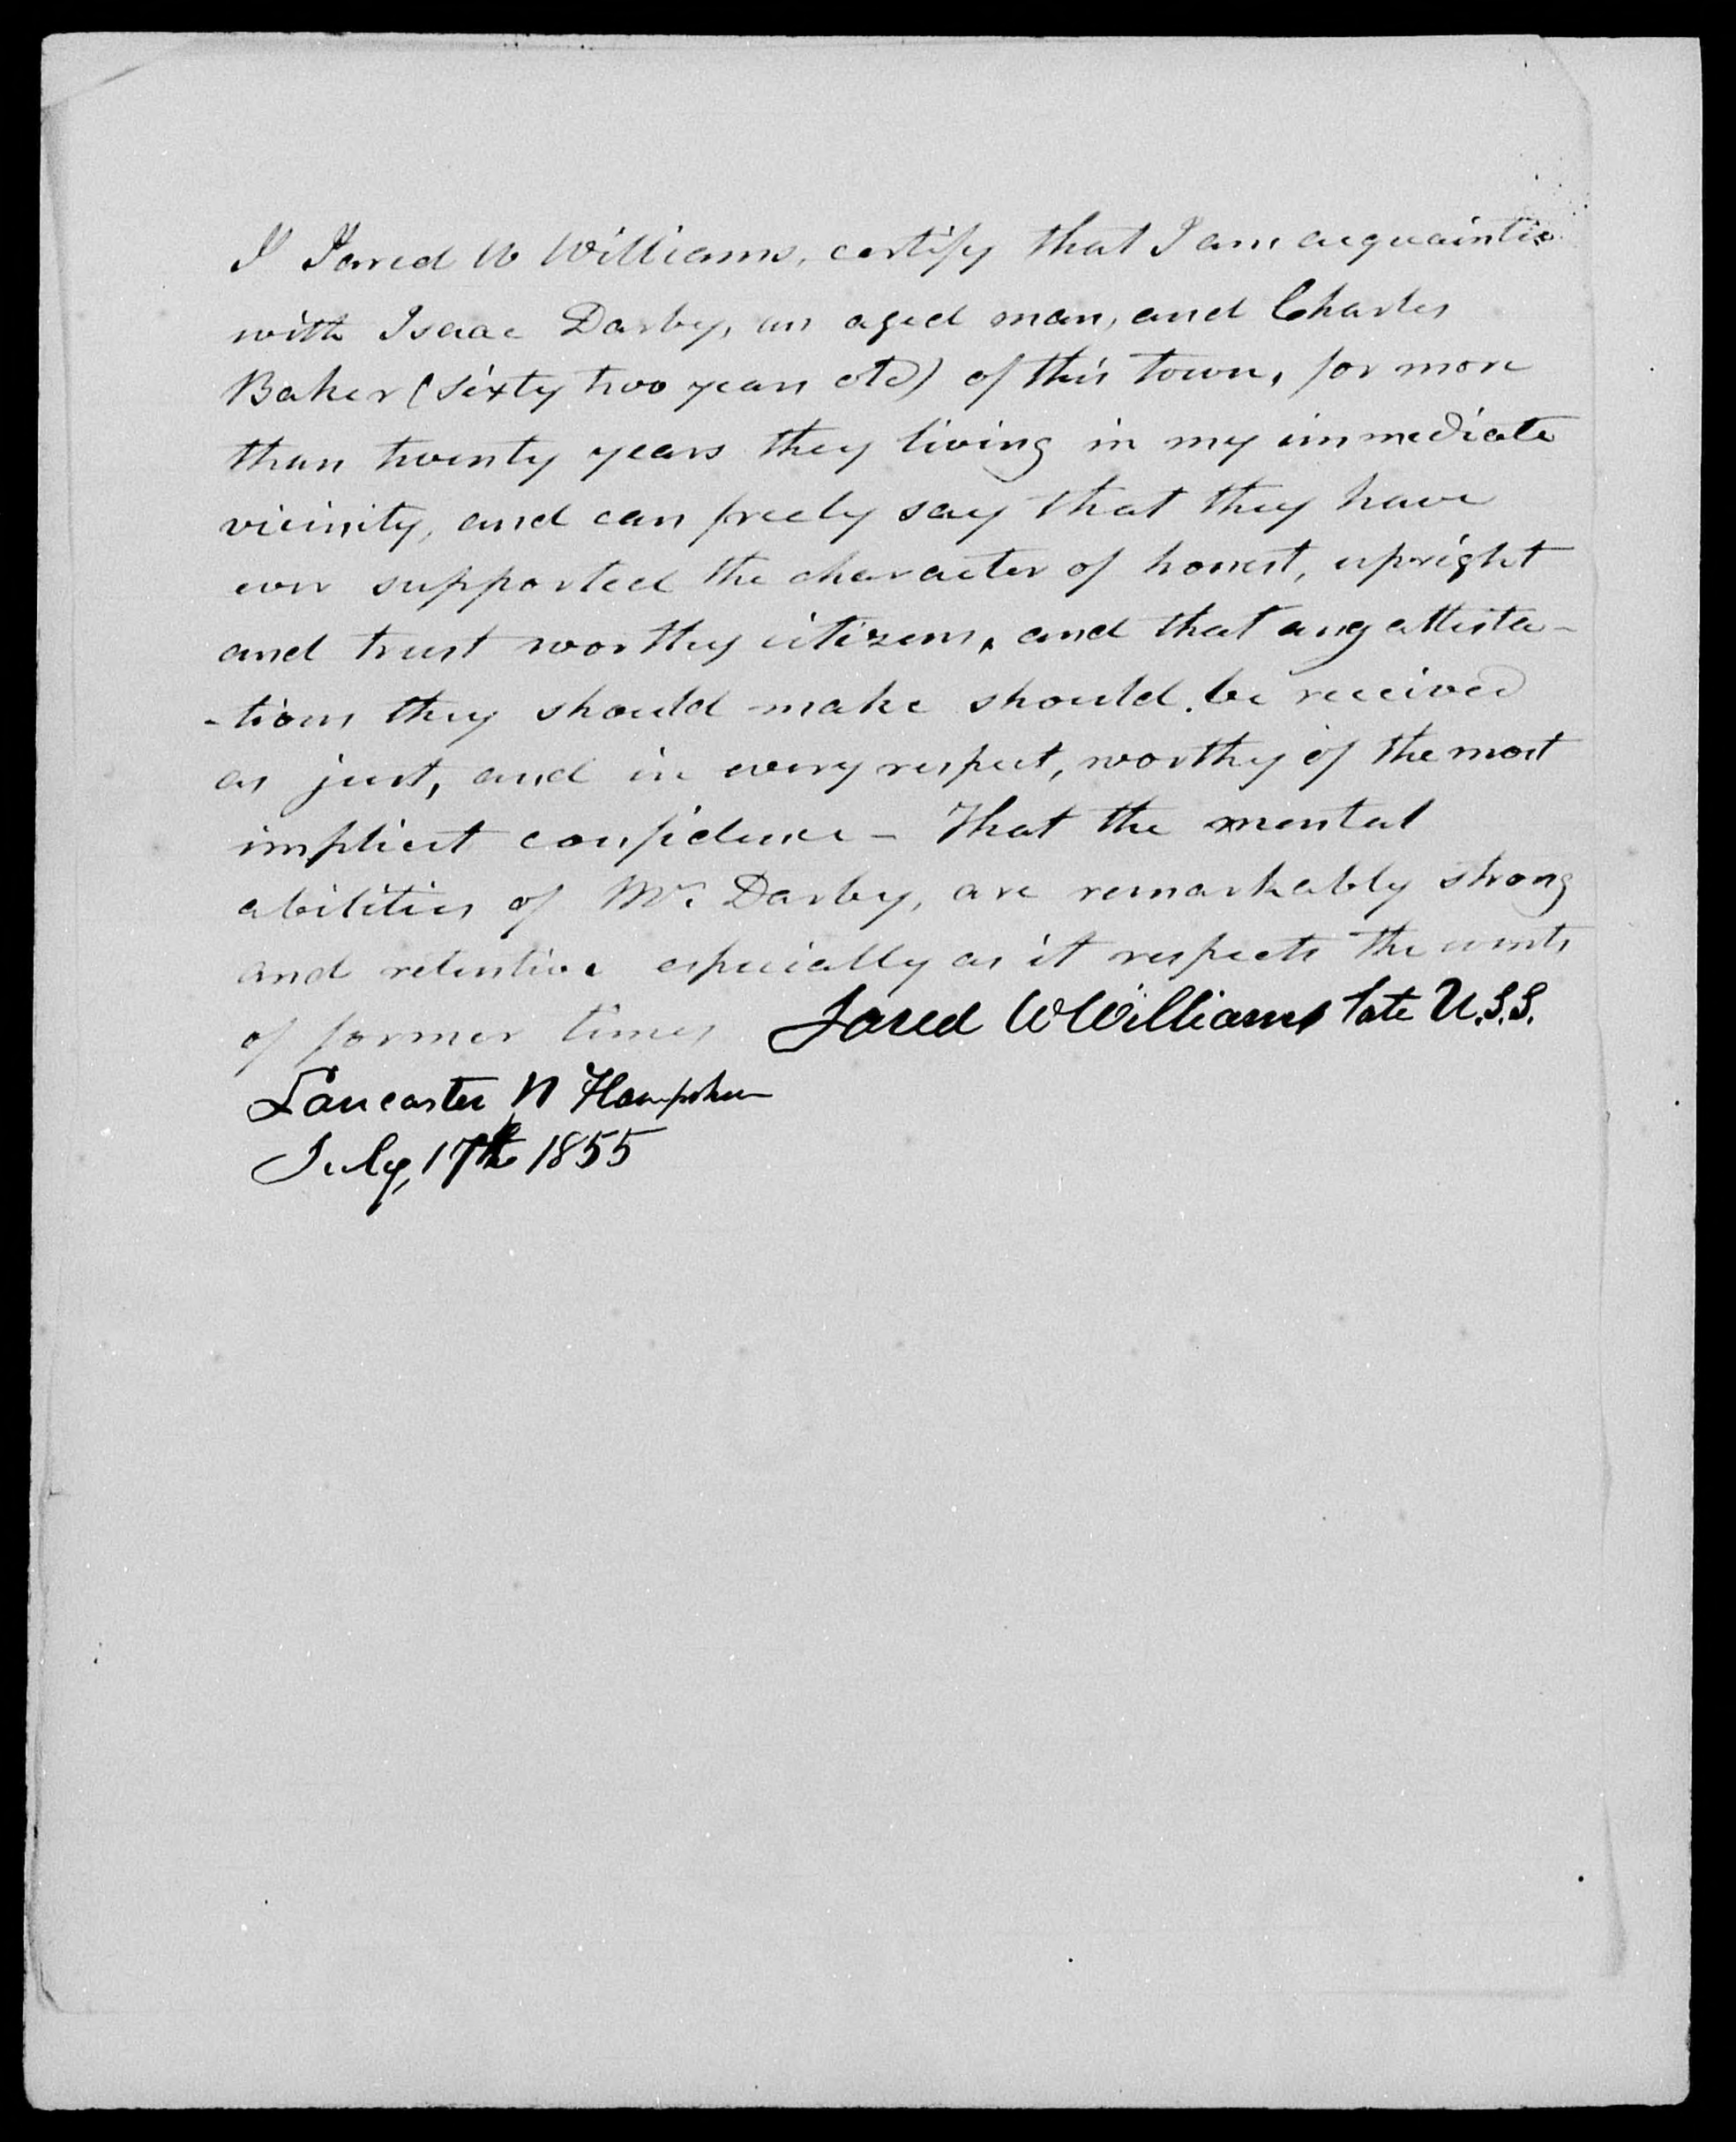I Jared W Williams certify that I am acquainted with Isaac Darby, an aged man, and Charles Baker (sixty two years old) of this town, for more than twenty years they living in my immediate vicinity, and can freely say that they have even supported the character of honest, upright and trust worthy citizens, and that any attestations they should make should be received as just, and in every respect, worthy of the most implicit confidence_ That the mental abilities of Mr. Darby, are remarkably strong and retentive especially as it respects the events of former times Jared W Williams late U.S.S. [United States Senator] Lancaster N Hampshire
July, 17th 1855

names: Isaac Darby, Jared W Williams, Jared W Williams, Charles Baker, Darby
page: 27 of 59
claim: widow's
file: W. 23017, Richard Clair Everett, Mass.